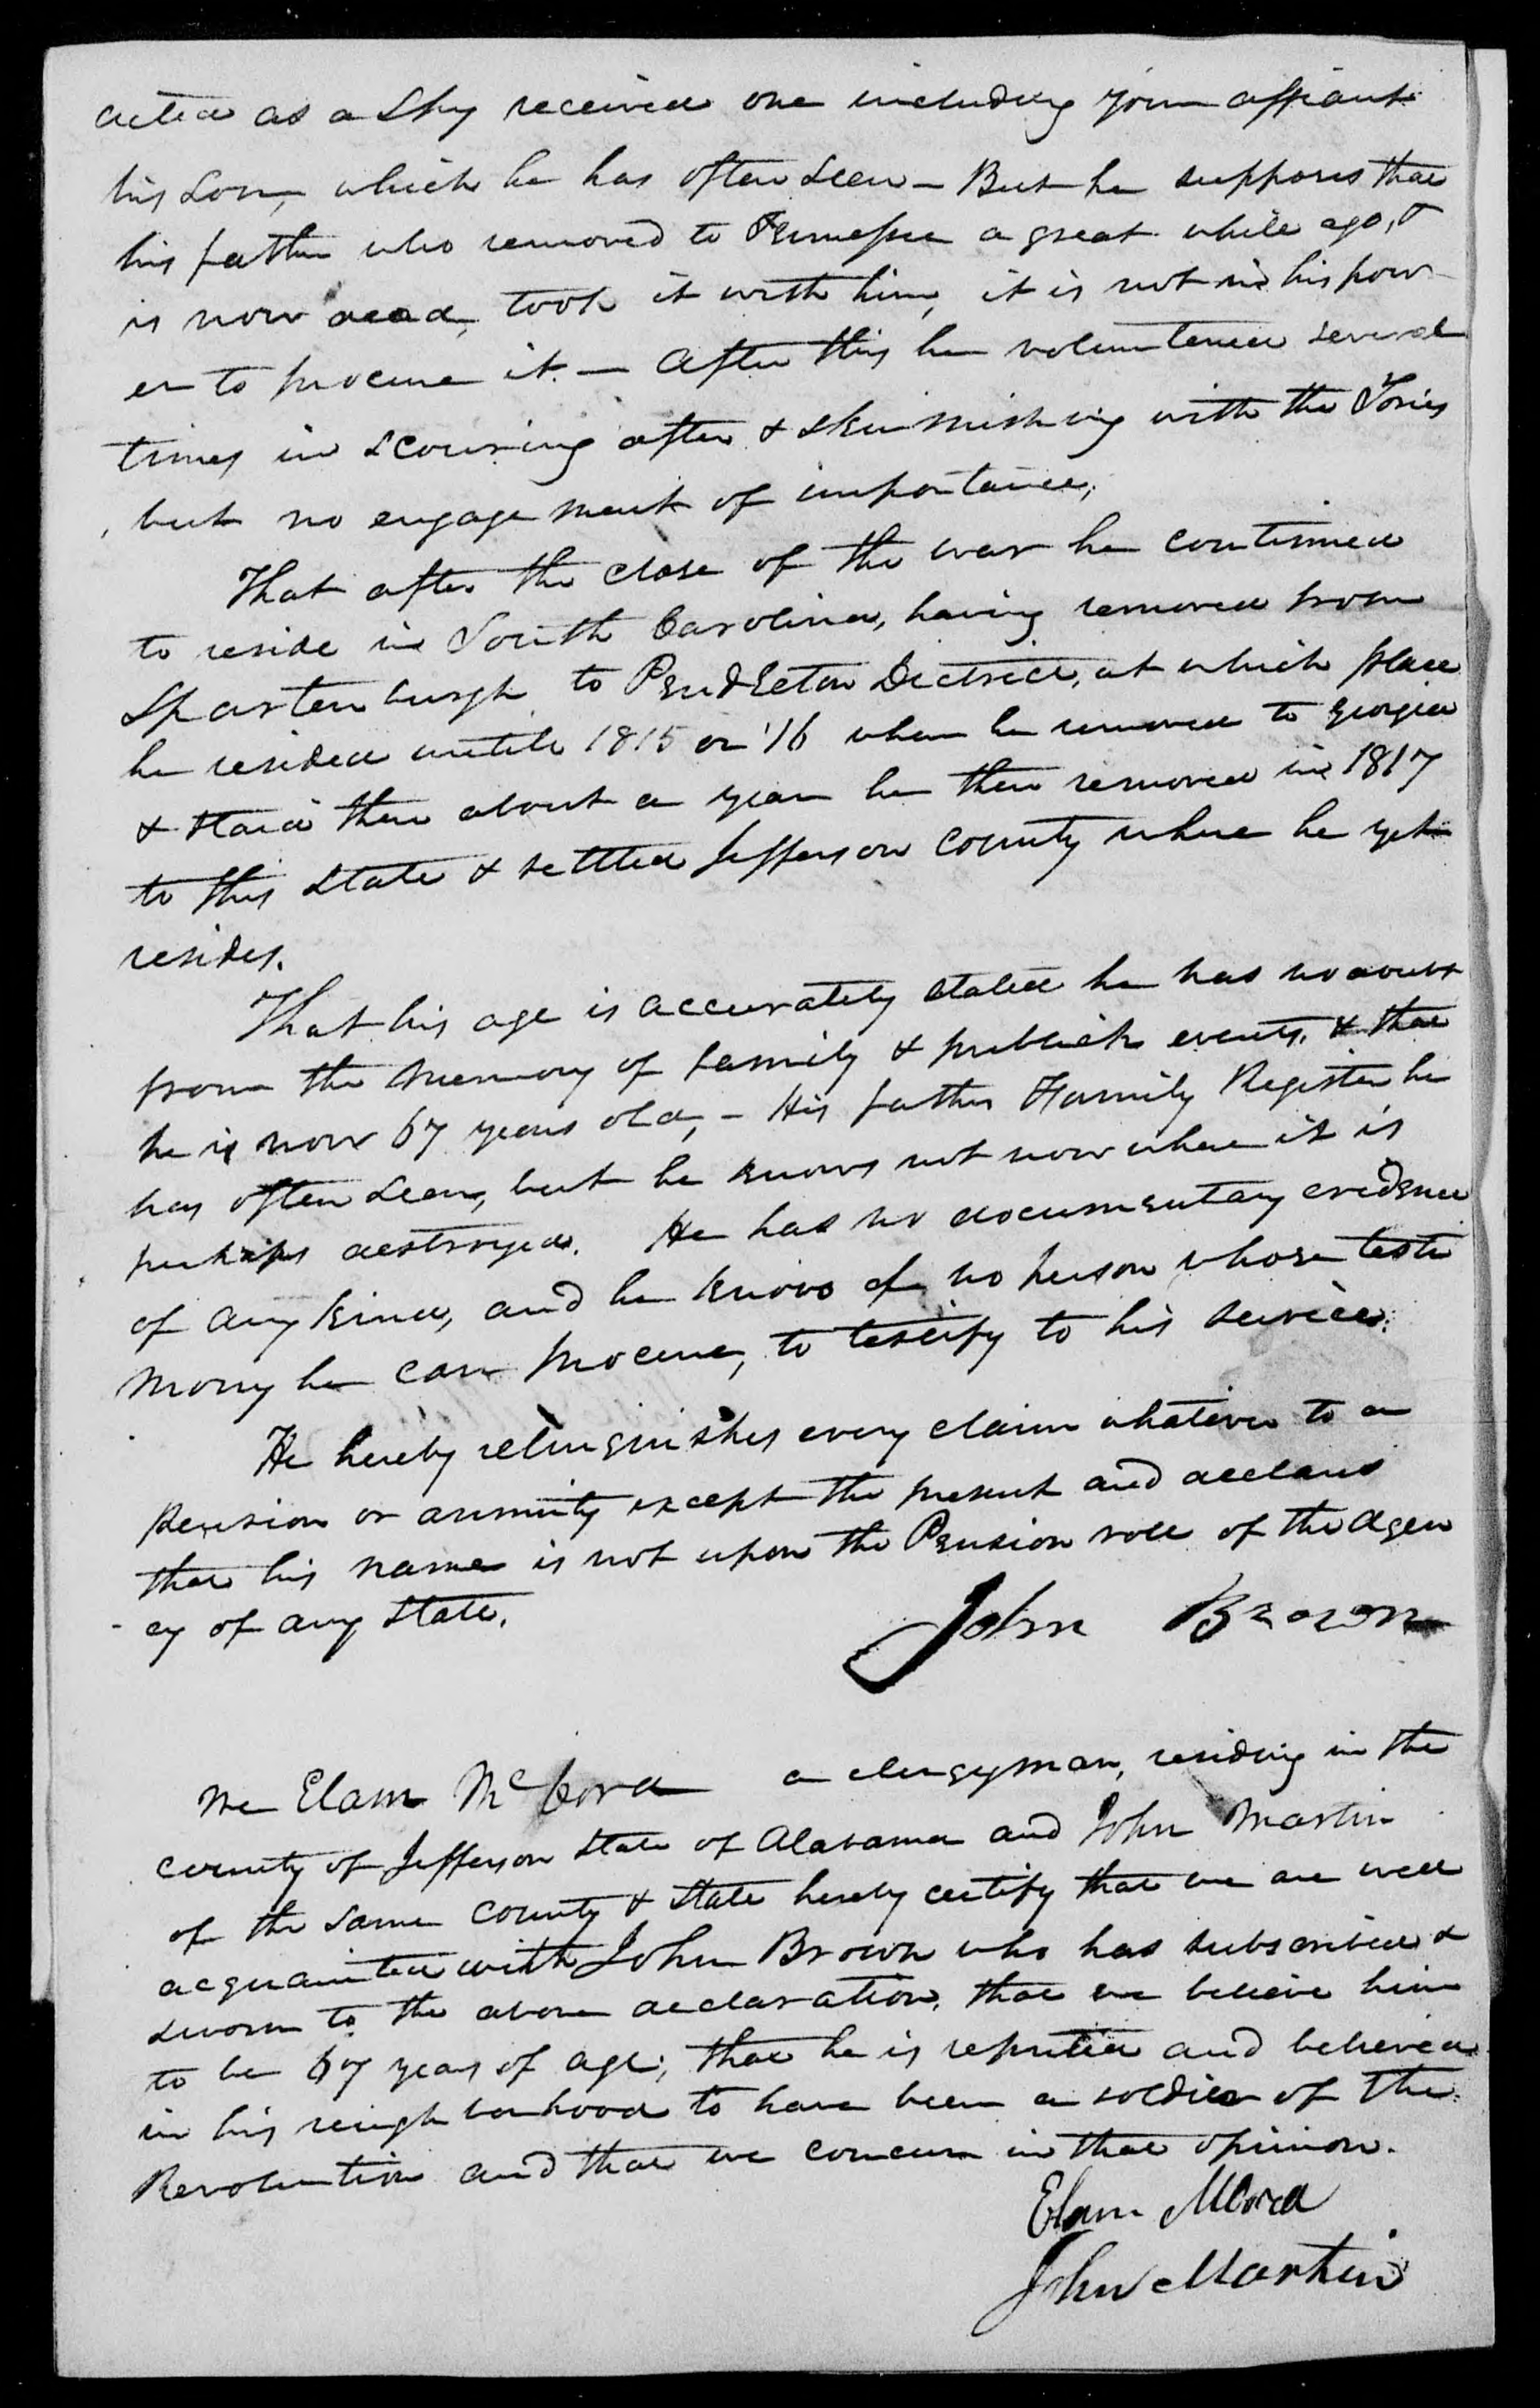acted as a spy received one including your affiant his son, which he has often seen-- But he supposes that his father who removed to Tennessee a great while ago, is now dead took it with him, it is not in his power to procure it-- After this he volunteered times in scouting after & skirmishing with the Tories but no engagement of importance; That after the close of the war he continued to reside in South Carolina, having removed from Spartanburg to Pendleton District, at which place he resided until 1815 or 16 when he removed to Georgia and stayed there about a year he then removed in 1817 to this State & settled Jefferson County where he yet resides. That his age is accurately stated he has no doubt from the memory of family & public events & that he is now 67 years old. His fathers Family Register he has often seen, but he knows not now where it is perhaps destroyed. He has no documentary evidence of any kind, and he knows of no person whose testimony he can procure to testify to his service
He hereby relinquishes every claim whatever to a pension or annuity except the present and declares that his name is not upon the pension roll of the agency of any State.
s/ John Brown
We Elam McLord a clergyman, residing in this County of Jefferson State of Alabama and John Martin
of the same County & State hereby certify that we are well acquainted with John Brown who has subscribed & sworn to the above declaration, that he believe him to be 67 years of age; that he is reputed and believed
in his neighborhood to have been a soldier of the Revolution and that we concur in that opinion
s/ Elam McLord  John Martin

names: Elam Mccord, John Martin, John Brown, Elam Mcord, John Brown, John Martin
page: 8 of 85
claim: widow's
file: W. 5,906, John Brown, S.C.